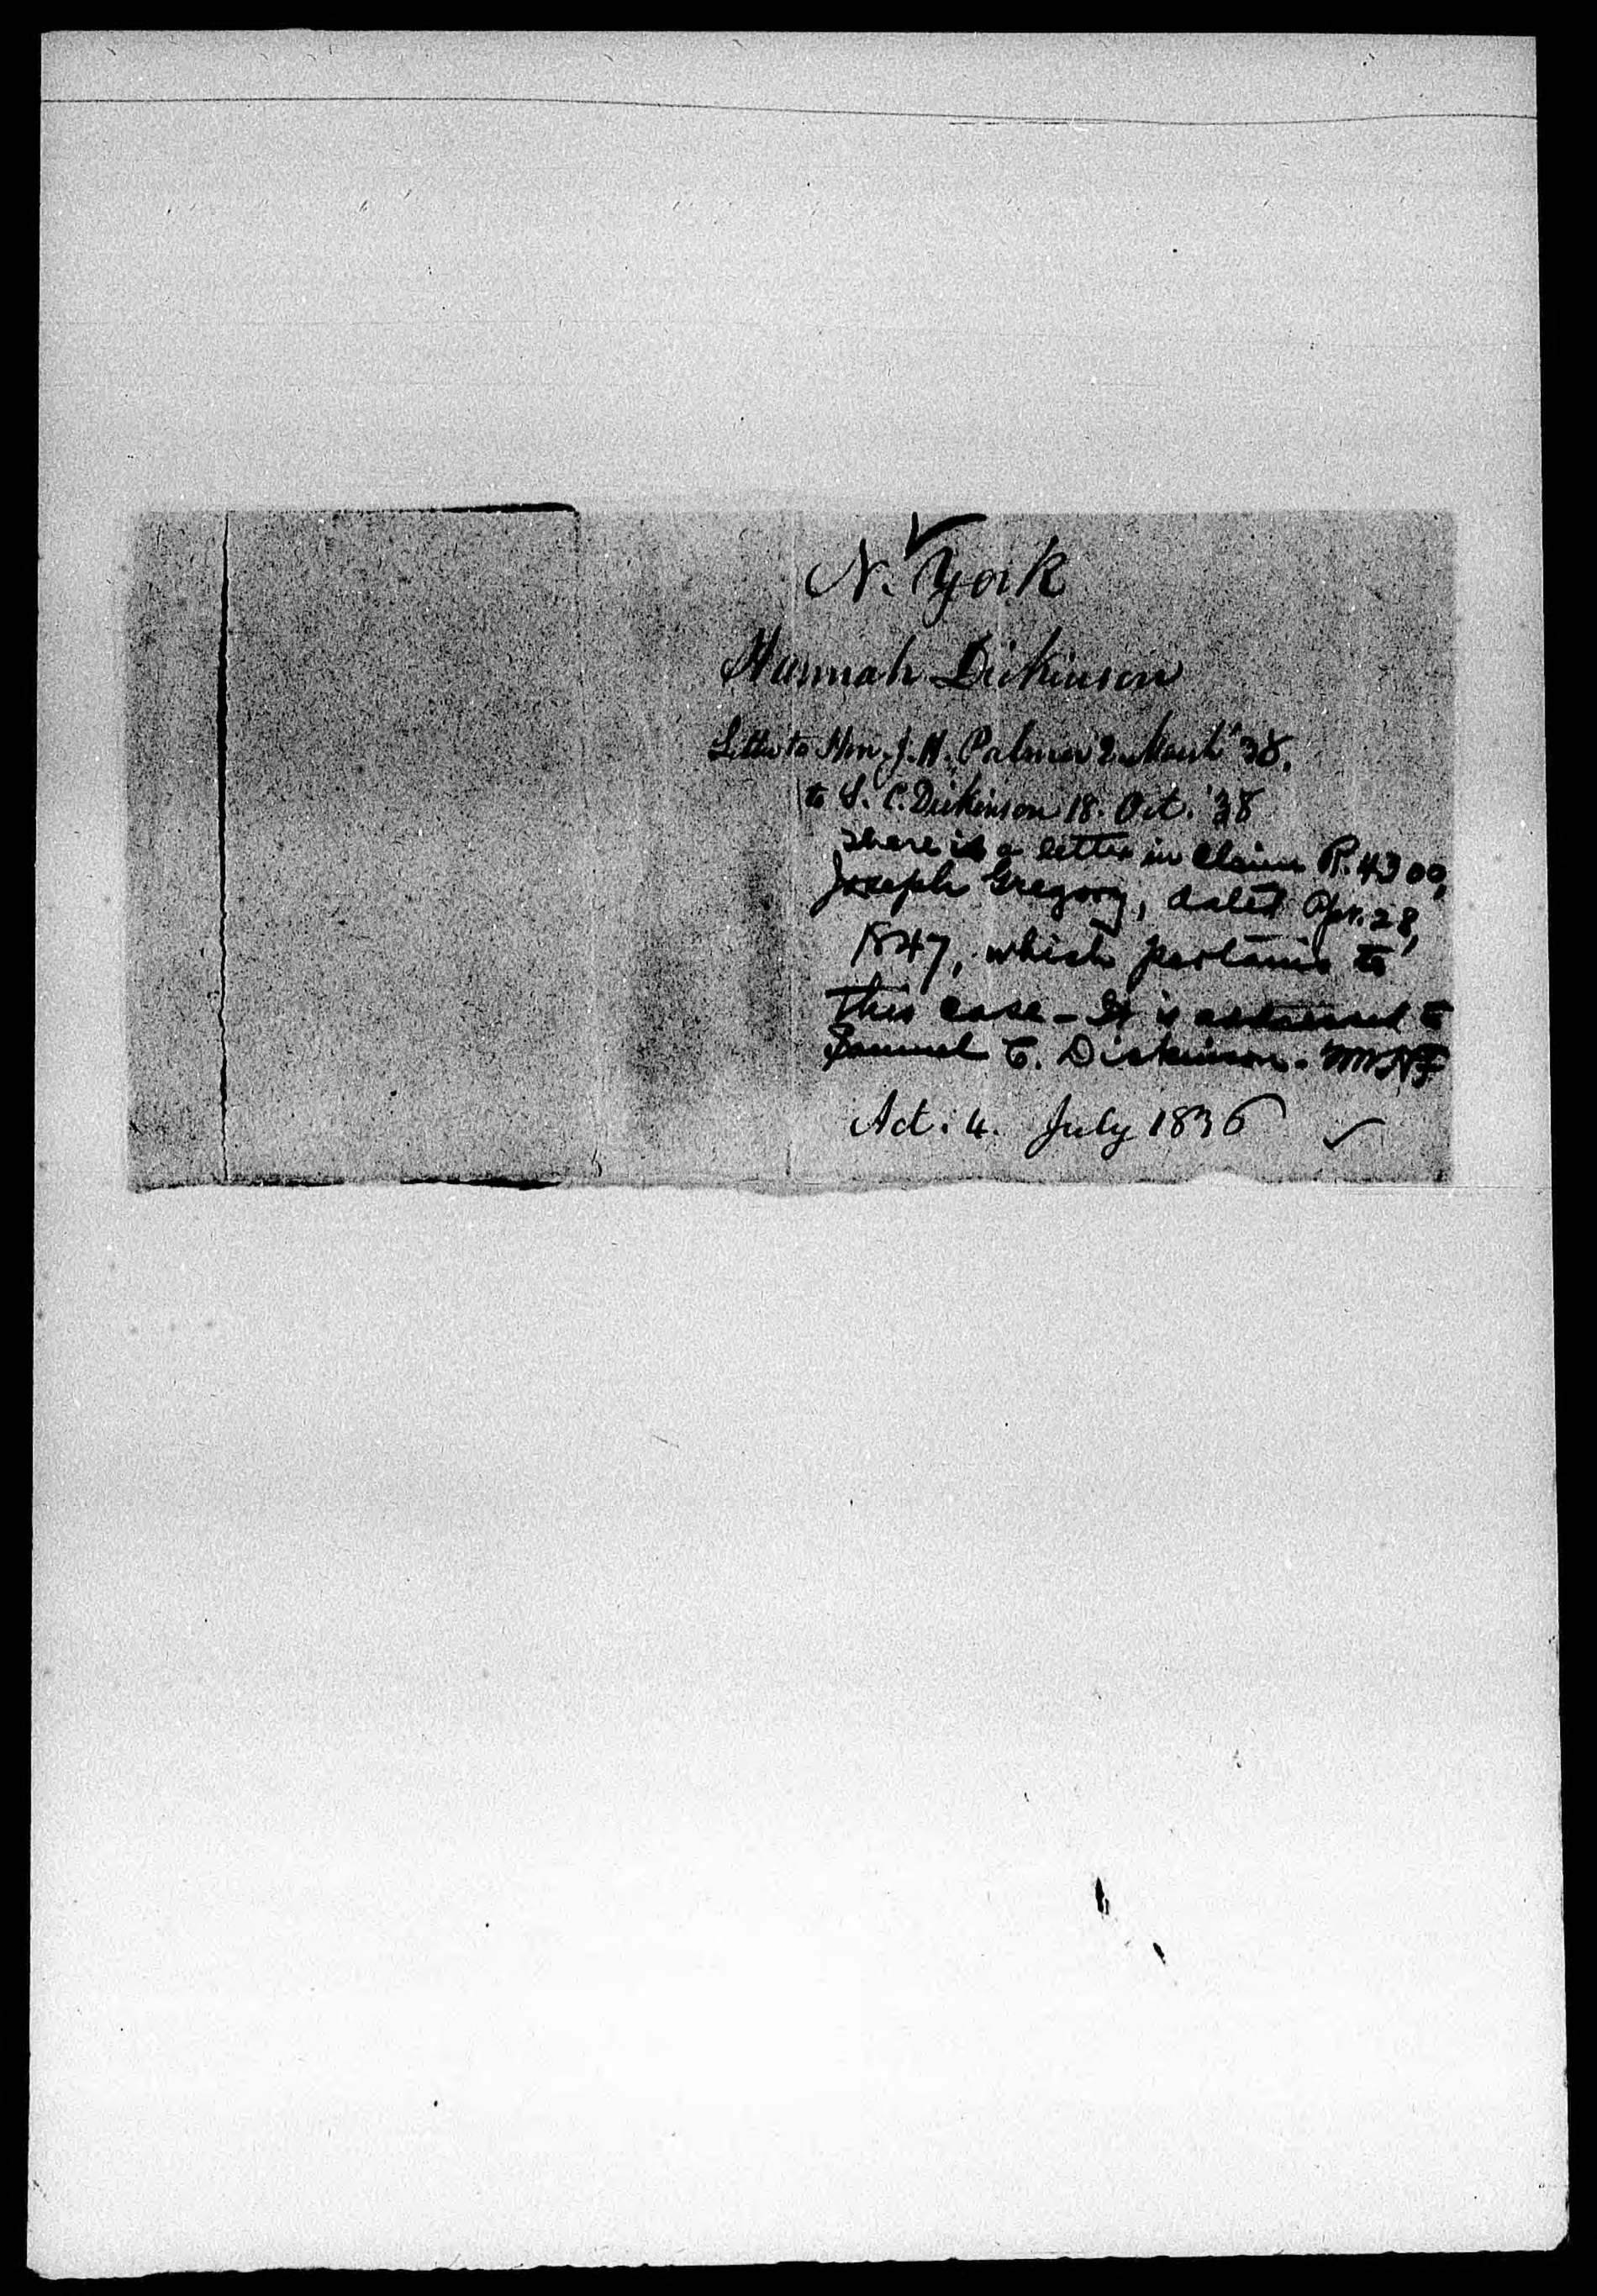N. York
{Hannah} Dickinson
Letter to Hon. J.H. {?} '38
to J.C Dickinson 18 Oct '38
There is a letter in {?} R. 43.00,
Joseph Gregory, dated Apr. 28, 1847, which pertains to this case - It is {?} Samuel C. Dickinson.  MNF
Act. 4 July 1836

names: Samuel C Dickinson, J H Palmer, Hannah Dickinson, Joseph Gregory, S C Dickinson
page: 28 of 60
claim: widow's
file: W 16,955, Samuel Dickinson, Conn.